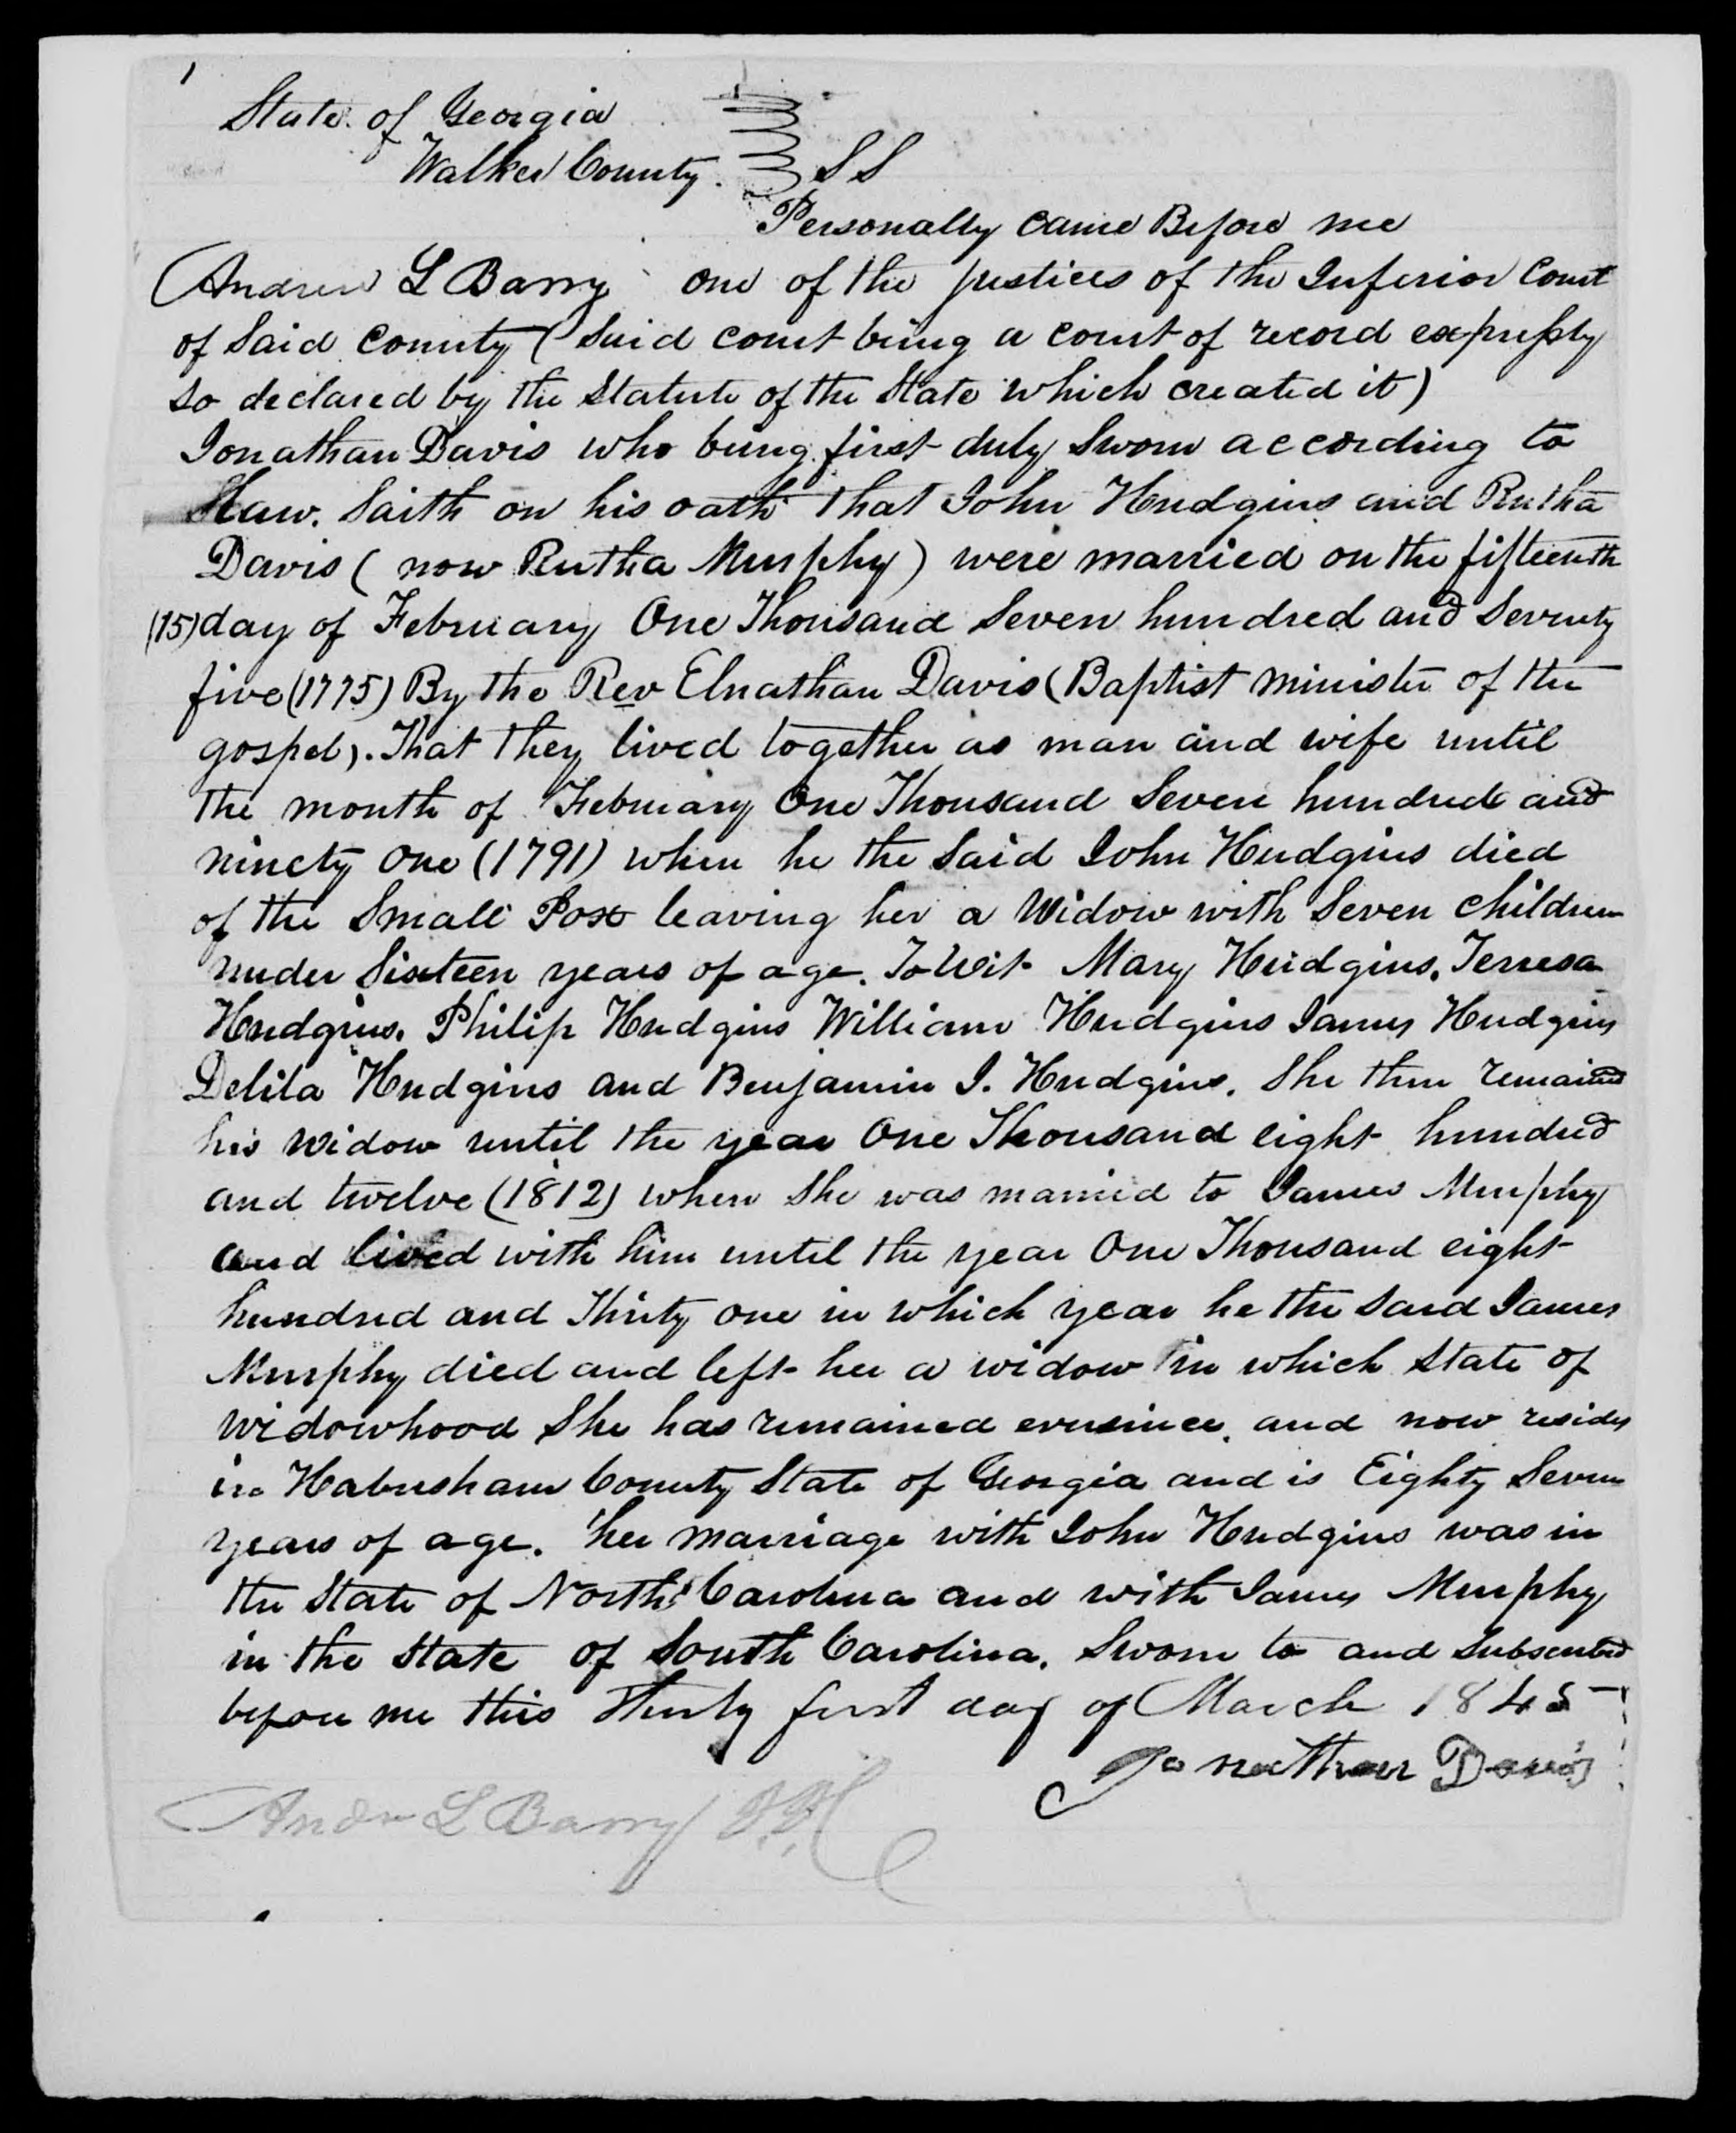State of Georgia
Walker County (squiggle line vertically on page) initials SS

Personally came before me Andrew L. Bany one of the Justices of the Inferior Court of said county (Said court being a court of record (not legible) so declared by the statute of the State which created it) Jonathan Davis who being first duty sworn according to Law Saith on his oath that John Hudgins and Rutha Davis (now Rutha Murphy) were married on the fifteenth (15) day of February One Thousand Seven hundred and Seventy five (1775) By the Rev Elnathan Davis (Baptist minister of the gospel). That they lived together as man and wife until the month of February One Thousand Seven hundred and ninety one (1791) when he the Said John Hudgins died of the Small Pox leaving her a widow with seven children under sixteen years of age. ToWit Mary Hudgins, Teresa Hudgins, Philip Hudgins, William Hudgins, James Hudgins, Delila Hudgins and Benjamin J. Hudgins. She then remained his widow until the year One Thousand eight hundred and twelve (1812) when she was married to James Murphy and lived with him until the year One Thousand eight  hundred and thirty one in which year he the said James Murphy died and left her a widow in which State of widowhood she has remained ever since and now resides in Wabashaw County State of Georgia and is Eighty Seven years of age. Her marriage with John Hudgins was in the State of North Carolina and with James Murphy in the State of South Carolina. Sworn to and subscribed before me this Thirty first day of March 1845.
Jonathon Davis 
Andrew L. Bamy JJL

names: James Hudgins, Philip Hudgins, William Hudgins, Delila Hudgins, Elnathan Davis, James Murphy, Mary Hudgins, Jonathan Davis, Rutha Murphy, Rutha Davis, Bemjamin J Hudgins, John Hudgins, Andrew L Barry, Terresa Hudgins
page: 11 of 108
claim: rejected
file: R. 7,515, John Hudgins, N.C.